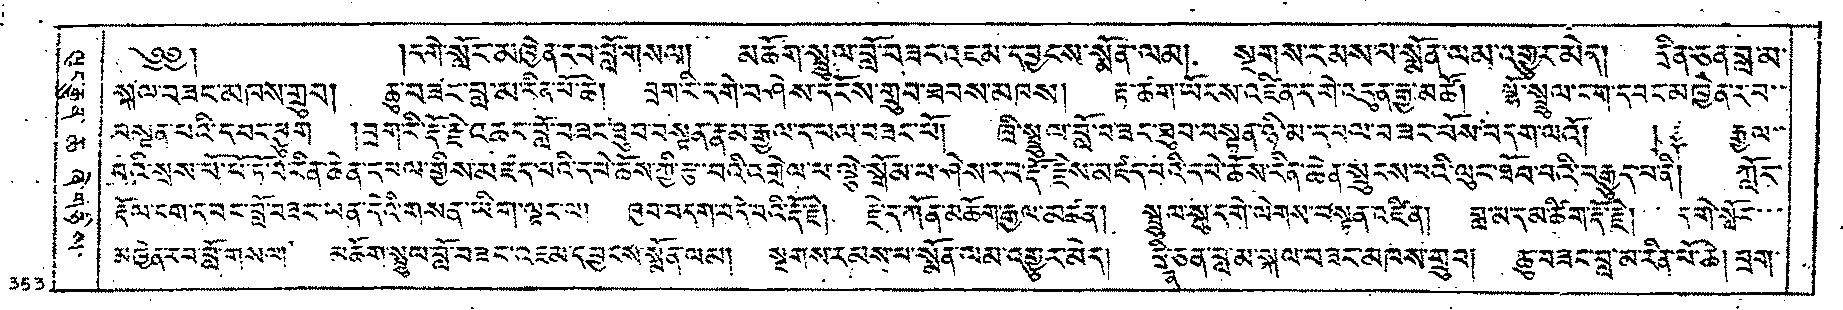༄༅། །དགེ་སློང་མཁྱེན་རབ་བློ་གསལ། མཆོག་སྤྲུལ་བློ་བཟང་འཇམ་དབྱངས་སྨོན་ལམ། སྔགས་རམས་པ་སྨོན་ལམ་འགྱུར་མེད། དྲིན་ཅན་བླ་མ་
སྐལ་བཟང་མཁས་གྲུབ། ཆུ་བཟང་བླ་མ་རིན་པོ་ཆེ། བྲག་རི་དགེ་བཤེས་དངོས་གྲུབ་ཐབས་མཁས། རྟ་ཚག་ཡོངས་འཛིན་དགེ་འདུན་རྒྱ་མཚོ། ལྷོ་སྤྲུལ་ངག་དབང་མཁྱེན་རབ་
བསྟན་པའི་དབང་ཕྱུག །བྲག་རི་རྡོ་རྗེ་འཆང་བློ་བཟང་ཐུབ་བསྟན་རྣམ་རྒྱལ་དཔལ་བཟང་པོ། ཁྲི་སྤྲུལ་བློ་བཟང་ཐུབ་བསྟན་ཉི་མ་དཔལ་བཟང་པོས་བདག་ལའོ། ། ༈ རྒྱལ་
བའི་སྲས་པོ་པོ་ཏོ་བ་རིན་ཆེན་དཔལ་གྱིས་མཛད་པའི་དཔེ་ཆོས་ཀྱི་རྩ་བའི་འགྲེལ་པ་ལྕེ་སྒོམ་པ་ཤེས་རབ་རྡོ་རྗེས་མཛད་པའི་དཔེ་ཆོས་རིན་ཆེན་སྤུངས་པའི་ལུང་ཐོབ་པའི་བརྒྱུད་པ་ནི། ཀློང་རྡོལ་ངག་དབང་བློ་བཟང་ཡན་དེའི་གསན་ཡིག་ལྟར་ལ། ཁྱབ་བདག་བདེ་བའི་རྡོ་རྗེ། རྗེ་དཀོན་མཆོག་རྒྱལ་མཚན། སྤྲུལ་སྐུ་དགེ་ལེགས་བསྟན་འཛིན། བླ་མ་དམ་ཚིག་རྡོ་རྗེ། དགེ་སློང་
མཁྱེན་རབ་བློ་གསལ། མཆོག་སྤྲུལ་བློ་བཟང་འཇམ་དབྱངས་སྨོན་ལམ། སྔགས་རམས་པ་སྨོན་ལམ་འགྱུར་མེད། དྲིན་ཅན་བླ་མ་སྐལ་བཟང་མཁས་གྲུབ། ཆུ་བཟང་བླ་མ་རིན་པོ་ཆེ། བྲག་